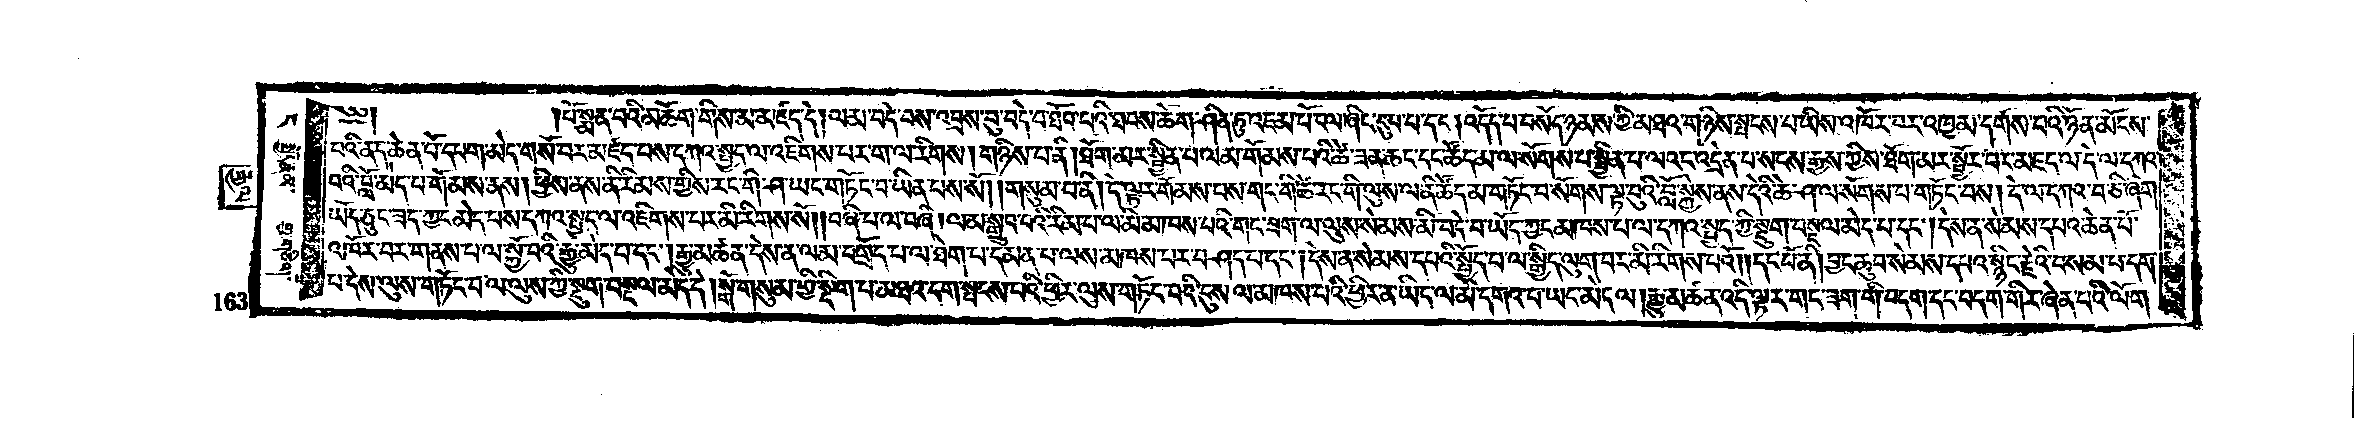༄༅། །པོ་སྨན་པའི་མཆོག་གིས་མ་མཛད་དེ། ལམ་བདེ་བས་འབྲས་བུ་བདེ་བ་ཐོབ་པའི་ཐབས་ཆོག་ཤིན་ཏུ་འཇམ་པོ་ངལ་ཞིང་དུ་བ་པ་དང་། འདོད་པ་བསོད་ཉམས་ཀྱི་མཐའ་གཉིས་སྤངས་པ་ཡིས་འཁོར་བར་འཁྱམ་དགོས་པའི་ཉོན་མོངས་
པའི་ནད་ཆེན་པོ་དཔག་མེད་གསོ་བར་མཛད་པས་དཀའ་སྤྱད་ལ་འཇིགས་པར་ག་ལ་རིགས། །གཉིས་པ་ནི། ཐོག་མར་སྦྱིན་པ་ལ་མ་གོམས་པའི་ཚེ་ཟན་ཆད་ཚོད་མ་ལ་སོགས་པ་སྦྱིན་པ་ལའང་འདྲེན་པ་སངས་རྒྱས་ཀྱིས་ཐོག་མར་སྦྱོར་བར་མཛད་ལ་དེ་ལ་དཀའ་
བའི་བློ་མེད་པ་གོམས་ནས་ཕྱིས་ནས་ནི་རིམས་གྱིས་རང་གི་ཤ་ཡང་གཏོང་བ་ཡིན་པས་སོ། །གསུམ་པ་ནི། དེ་ལྟར་གོམས་པས་གང་གི་ཚེ་རང་གི་ལུས་ལ་ནི་ཚོད་མ་གཏོང་བ་སོགས་ལྟ་བུའི་བློ་སྐྱེས་ནས་ནས་དེའི་ཆེ་ཤ་ལ་སོགས་པ་གཏོང་བས། དེ་ལ་དཀའ་བ་ཅི་ཞིག་
ཡོད་ཅུང་ཟད་ཀྱང་མེད་པས་དཀའ་སྤྱད་ལ་འཇིགས་པར་མི་རིགས་སོ། །བཞི་པ་ལ་བཞི། ལམ་སྒྲུབ་པའི་རིམ་པ་ལ་མི་མཁས་པའི་གང་ཟག་ལ་ལུས་སེམས་མི་བདེ་བ་ཡོད་ཀྱང་མཁས་པ་ལ་དཀའ་སྤྱོད་ཀྱི་སྡུག་བསྔལ་མེད་པ་དང་། དེས་ན་སེམས་དཔའ་ཆེན་པོ་
འཁོར་བར་གནས་པ་ལ་སྐྱོ་བའི་རྒྱུ་མེད་པ་དང་། རྒྱུ་མཚན་དེས་ན་ལམ་བགྲོད་པ་ལ་ཐེག་པ་དམན་པ་ལས་མཁས་པར་བཤད་པ་དང་། དེས་ན་སེམས་དཔའི་སྤྱོད་པ་ལ་སྒྱིད་ལུག་པར་མི་རིགས་པའོ། །དང་པོ་ནི། བྱང་ཆུབ་སེམས་དཔའ་སྙིང་རྗེའི་བསམ་པ་དག་
པ་དེས་ལུས་གཏོང་བ་ལ་ལུས་ཀྱི་སྡུག་བསྔལ་མེད་དེ། སྒོ་གསུམ་གྱི་སྡིག་པ་མཐའ་དག་སྤངས་པའི་ཕྱིར་ལུས་གཏོང་བའི་དུས་ལ་མཁས་པའི་ཕྱིར་ན་ཡིད་ལ་མི་དགའ་བ་ཡང་མེད་ལ། རྒྱུ་མཚན་འདི་ལྟར་གང་ཟག་གི་བདག་དང་བདག་གིར་ཞེན་པའི་ལོག་